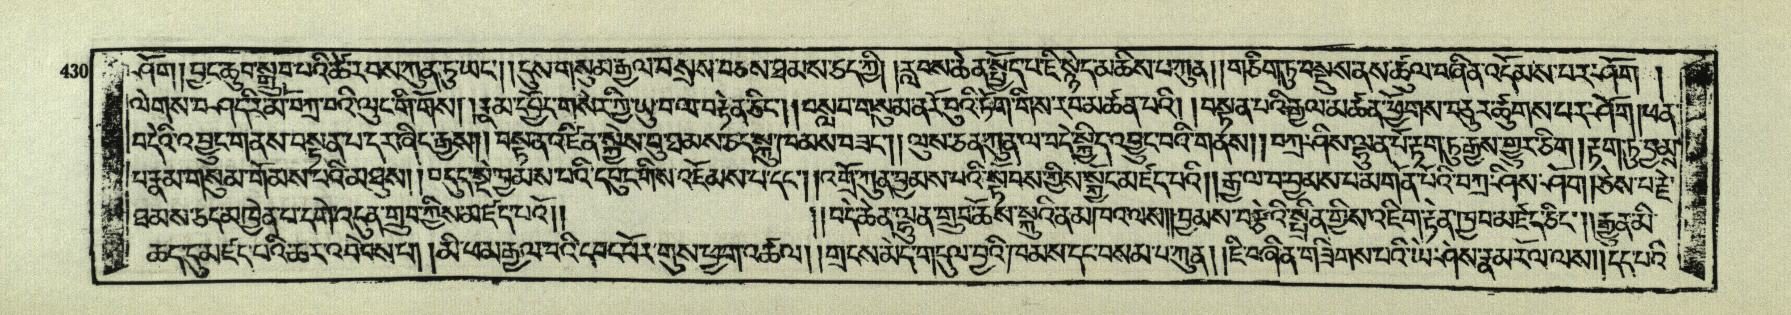ཤོག །བྱང་ཆུབ་སྒྲུབ་པའི་ཚེ་རབས་ཀུན་ཏུ་ཡང་། །དུས་གསུམ་རྒྱལ་བ་སྲས་བཅས་ཐམས་ཅད་ཀྱི། །རླབས་ཆེན་སྤྱོད་པ་ཇི་སྙེད་མཆིས་པ་ཀུན། །གཅིག་ཏུ་བསྡུས་ནས་ཚུལ་བཞིན་འདོམས་པར་ཤོག །
ལེགས་བཤད་རི་མོ་བཀྲ་བའི་ལུང་གི་གོས། །རྣམ་དབྱོད་གསེར་ཀྱི་ཡུ་བ་ལ་བརྟེན་ཅིང་། །བསླབ་གསུམ་ནོར་བུའི་ཏོག་གིས་རབ་མཚན་པའི། །བསྟན་པའི་རྒྱལ་མཚན་ཕྱོགས་བཅུར་ཚུགས་པར་ཤོག །ཕན་
བདེའི་འབྱུང་གནས་བསྟན་པ་དར་ཞིང་རྒྱས། །བསྟན་འཛིན་སྐྱེས་བུ་ཐམས་ཅད་སྐུ་ཁམས་བཟང་། །ལུས་ཅན་ཀུན་ལ་བདེ་སྐྱིད་འབྱུང་བའི་གནས། །བཀྲ་ཤིས་ལྷུན་པོ་རྟག་ཏུ་རྒྱས་གྱུར་ཅིག །རྟག་ཏུ་བྱམས་
པ་རྣམ་གསུམ་གོམས་པའི་མཐུས། །བདུད་སྡེ་བྱམས་པའི་བྤུང་གིས་འཇོམས་པ་དང་། །འགྲོ་ཀུན་བྱམས་པའི་སྟོབས་ཀྱིས་སྐྱོང་མཛད་པའི། །རྒྱལ་བ་བྱམས་པ་མགོན་པོའི་བཀྲ་ཤིས་ཤོག། ཅེས་པ་རྗེ་
ཐམས་ཅད་མཁྱེན་པ་དགེ་འདུན་གྲུབ་ཀྱིས་མཛད་པའོ།། །།བདེ་ཆེན་ལྷུན་གྲུབ་ཆོས་སྐུའི་ན་མཁའ་ལས། །བྱམས་བརྩེའི་སྤྲིན་གྱིས་འཇིག་རྟེན་ཁྱབ་མཛད་ཅིང་། །རྒྱུན་མི་
ཆད་དུ་མཛད་པའི་ཆར་འབེབས་པ། །མི་ཕམ་རྒྱལ་བའི་དབང་པོར་གུས་ཕྱག་འཚལ། །གྲངས་མེད་གདུལ་བྱའི་ཁམས་དང་བསམ་པ་ཀུན། །ཇི་བཞིན་གཟིགས་པའི་ཡེ་ཤེས་རྣམ་རོལ་ལས། །དད་པའི་